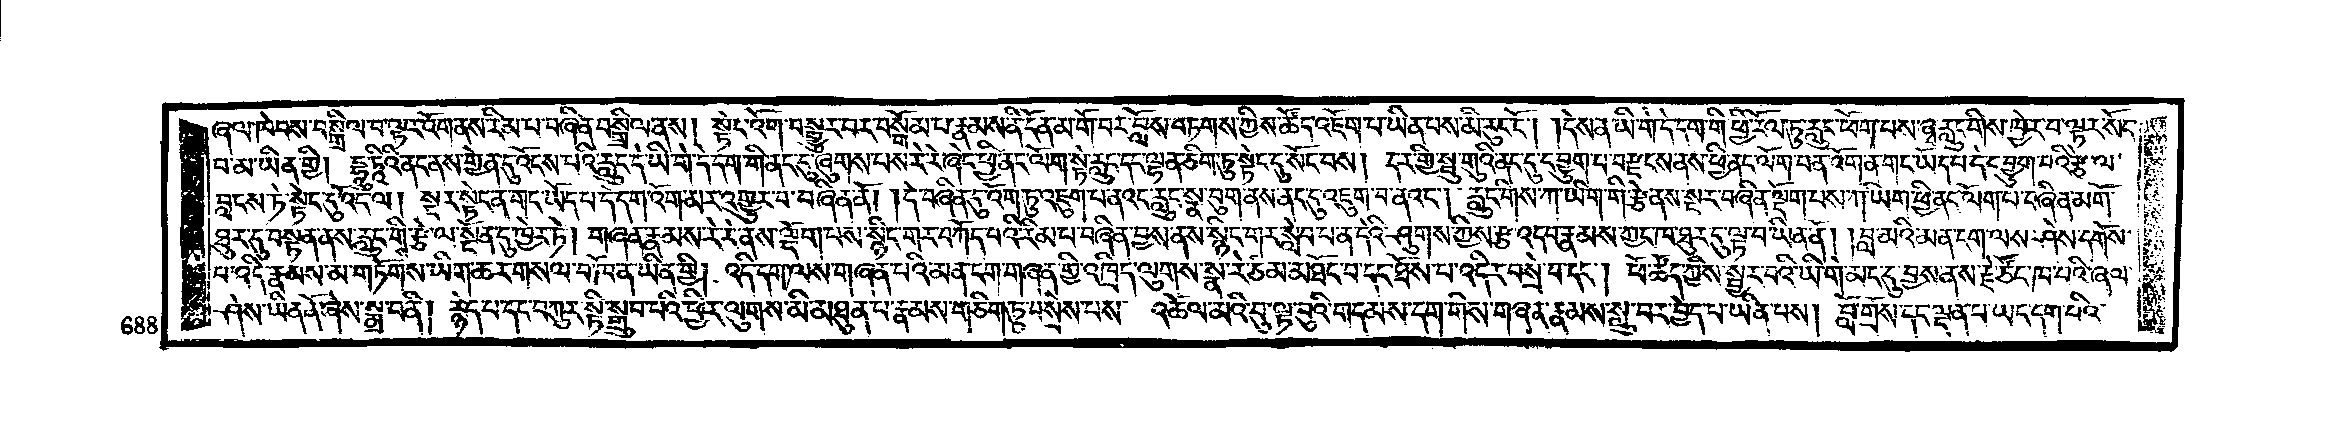ཞལ་ཁེབས་བསྒྲིལ་བ་ལྟར་འོག་ནས་རིམ་པ་བཞིན་བསྒྲིལ་ནས། སྟེང་འོག་བསྒྱུར་བར་བསྒོམ་པ་རྣམས་ནི་དོན་མ་གོ་བར་བློས་བཏགས་ཀྱིས་ཚོད་འཇོག་པ་ཡིན་པས་མི་རུང་ངོ། །དེས་ན་ཡི་གེ་དེ་དག་གི་ཕྱི་རོལ་ཏུ་རླུང་ཕོག་པས་ཞྭ་རླུང་གིས་ཁྱེར་བ་ལྟར་སོང་
བ་མ་ཡིན་གྱི། དྷཱུ་ཏཱིའི་ནང་ནས་གྱེན་དུ་འོངས་པའི་རླུང་དེ་ཡི་གེ་དེ་དག་གི་ནང་དུ་ཞུགས་པས་རེ་རེ་ཞིང་ཕྱི་ནང་ལོག་སྟེ་རླུང་དང་ལྷན་ཅིག་ཏུ་སྟེང་དུ་སོང་བས། དར་གྱི་སྦུ་གུའི་ནང་དུ་དབྱུག་པ་བརྫངས་ནས་ཕྱི་ནང་ལོག་བ་ན་འོག་ན་གང་ཡོད་པ་དེ་ད་བྱུག་པའི་རྩེ་ལ་
བླངས་ཏེ་སྟེང་དུ་འོང་ལ། སྔར་སྟེང་ན་གང་ཡོད་པ་དེ་དག་འོག་མར་འགྱུར་བ་བཞིན་ནོ། །དེ་བཞིན་དུ་འོག་ཏུ་འཇུག་པ་ནའང་རླུང་སྣ་བུག་ནས་ནང་དུ་འཇུག་བ་ནའང་། རླུང་གིས་ཀ་ཡིག་གི་རྩེ་ནས་སྔར་བཞིན་ལྡོག་པས་ཀ་ཡིག་ཕྱི་ནང་ལོག་པ་བཞིན་མགོ་
ཐུར་དུ་བསྟན་ནས་རླུང་གིས་རྩེ་ལ་སྔོན་དུ་ཁྱེར་ཏེ། གཞན་རྣམས་རེ་རེ་ནས་ལྡོག་པས་སྙིང་གར་བཀོད་པའི་རིམ་པ་བཞིན་བྱས་ནས་སྙིང་གར་སླེབ་པ་ན་དེའི་ཤུགས་ཀྱིས་རྩ་འདབ་རྣམས་ཀྱང་ཁ་ཐུར་དུ་ལྟ་བ་ཡིན་ནོ། །བླ་མའི་མན་ངག་ལས་ཤེས་དགོས་
པ་འདི་རྣམས་མ་གཏོགས་ཡིག་ཆར་གསལ་བ་ཁོ་ན་ཡིན་གྱི། འདི་དག་ལས་གཞན་པའི་མན་ངག་གཞན་གྱི་འཁྲིད་ལུགས་སྣ་རེ་ཙམ་མཐོང་བ་དང་ཐོས་པ་འདིར་བསྲེ་བ་དང་། ཕོ་ཚོད་ཀྱིས་སྦྱར་བའི་ཡི་གེ་མང་དུ་བྱས་ནས་རྗེ་ཙོང་ཁ་པའི་ཞལ་
ཤེས་ཡིན་ནོ་ཞེས་སྨྲ་བ་ནི། རྙེད་པ་དང་བཀུར་སྟི་སྒྲུབ་པའི་ཕྱིར་ལུགས་མི་མཐུན་པ་རྣམས་གཅིག་ཏུ་བསྲེས་པས་འཆོལ་མའི་བུ་ལྟ་བུའི་གདམས་ངག་གིས་གཞན་རྣམས་སླུ་བར་བྱེད་པ་ཡིན་པས། བློ་གྲོས་དང་ལྡན་པ་ཡང་དག་པའི་